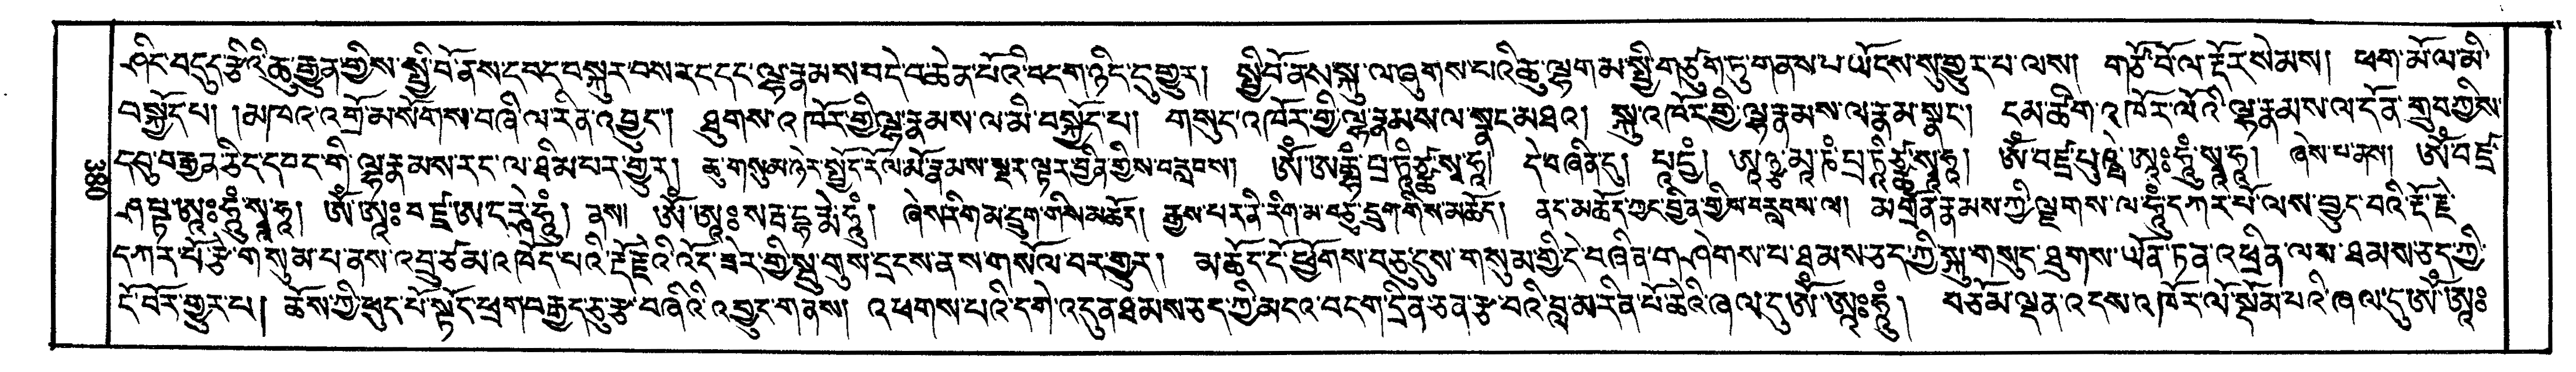ཤིང་བདུད་རྩིའི་ཆུ་རྒྱུན་གྱིས་སྦྱི་བོ་ནས་དབང་བསྐུར་བས་རང་དང་ལྷ་རྣམས་བདེ་བ་ཆེན་པོའི་བདག་ཉིད་དུ་གྱུར། སྤྱི་བོ་ནས་སྐུ་ལ་ཞུགས་པའི་ཆུ་ལྷག་མ་སྤྱི་གཙུག་ཏུ་གནས་པ་ཡོངས་སུ་གྱུར་པ་ལས། གཙོ་བོ་ལ་རྡོར་སེམས། ཕག་མོ་ལ་མི་
བསྐྱོད་པ། །མཁའ་འགྲོ་མ་སོགས་བཞི་ལ་རིན་འབྱུང་། ཐུགས་འཁོར་གྱི་ལྷ་རྣམས་ལ་མི་བསྐྱོད་པ། གསུང་འཁོར་གྱི་ལྷ་རྣམས་ལ་སྣང་མཐའ། སྐུ་འཁྲོ་གྱི་ལྷ་རྣམས་ལ་རྣམ་སྣང་། དམ་ཚིག་འཁོར་ལོའི་ལྷ་རྣམས་ལ་དོན་གྲུབ་ཀྱིས་
དབུ་བརྒྱན་ཅིང་དབང་གི་ལྷ་རྣམས་རང་ལ་ཐིམ་པར་གྱུར། ཆུ་གསུམ་ཉེར་སྤྱོད་རོལ་མོ་རྣམས་སྔར་ལྟར་བྱིན་གྱིས་བརླབས། ཨོཾ་ཨརྒྷཾ་པྲ་ཏཱིཙྪ་སྭཱ་ཧཱ། དེ་བཞིན་དུ། པཱ་དྱཾ། ཨཱཉྩ་མཱ་ཎཾ་པྲ་ཏཱིཙྪ་སྭཱ་ཧཱ། ཨོཾ་བཛྲ་པུཥEཔ་ཨཱཿ ཧཱུཾ་སྭཱ་ཧཱ། ཞེས་པ་ནས། ཨོཾ་བཛྲ་
ཤཔྟ་ཨཱཿ ཧཱུཾ་སྭཱ་ཧཱ། ཨོཾ་ཨཱཿ བཛྲ་ཨ་དར་ཤེ་ཧཱུཾ། ནས། ཨོཾ་ཨཱཿ སར་བ་དྷརྨེ་ཧཱུཾ། ཞེས་རིག་མ་དྲུག་གིས་མཆོད། རྒྱས་པར་ནི་རིག་མ་བཅུ་དྲུག་གིས་མཆོད། ནང་མཆོད་ཀྱང་བྱིན་གྱིས་བརླབས་ལ། མགྲོན་རྣམས་ཀྱི་ལྗངས་ལ་ཧཱུཾ་དཀར་པོ་ལས་བྱུང་བའི་རྡོ་རྗེ་
དཀར་བོ་རྩེ་གསུམ་པ་ནས་འབྲུ་ཙམ་འཁོད་པའི་རྡོ་རྗེའི་འོད་ཟེར་གྱི་སྦུ་གུས་དྲངས་ནས་གསོལ་བར་གྱུར། མཆོད་དོ་ཕྱོགས་བཅུ་དུས་གསུམ་གྱི་དེ་བཞིན་གཤེགས་པ་ཐམས་ཅད་ཀྱི་སྐུ་གསུང་ཐུགས་ཡོན་ཏན་འཕྲིན་ལས་ཐམས་ཅད་ཀྱི་
ངོ་བོར་གྱུར་པ། ཆོས་ཀྱི་ཕུང་པོ་སྟོང་ཕྲག་བརྒྱད་ཅུ་རྩ་བཞིའི་འབྱུང་གནས། འཕགས་པའི་དགེ་འདུན་ཐམས་ཅད་ཀྱི་མངའ་བདག་དྲིན་ཅན་རྩ་བའི་བླ་མ་རིན་པོ་ཆེའི་ཞལ་དུ་ཨོཾ་ཨཱཿ ཧཱུཾ། བཅོམ་ལྡན་འདས་འཁོར་ལོ་སྡོམ་པའི་ཞལ་དུ་ཨོཾ་ཨཱཿ